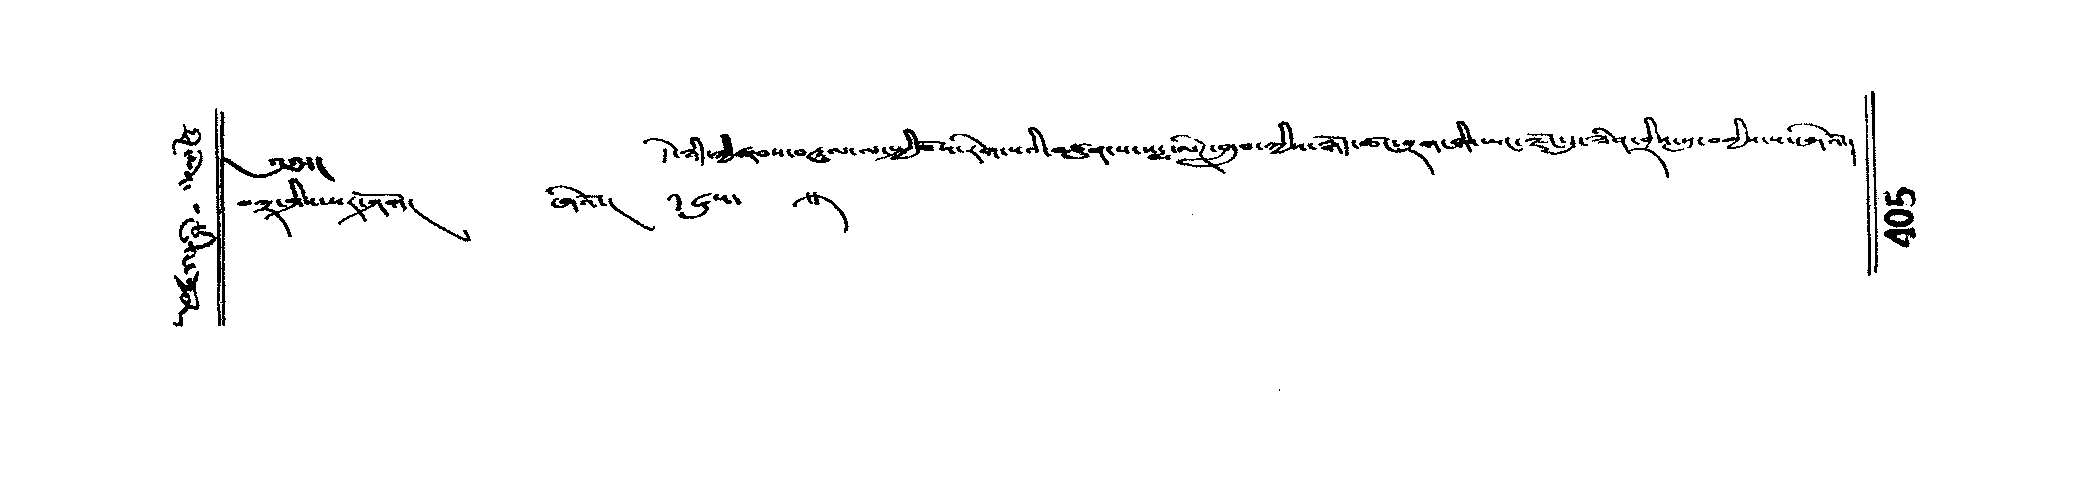དེ་ཉིད་ཀྱི་ཞབས་རྡུལ་ལ་སྤྱི་བོས་རེག་པའི་བཙུན་པ་པདྨ་ལེགས་གྲུབ་ཀྱིས་རྒོད་ཚང་བྲག་གི་ཡང་རྗོང་དུ་ཟིན་བྲིས་སུ་བགྱིས་པ་དགེའོ།། 
བཀྲ་ཤིས་པར་ཤོག།། དགེའོ།།